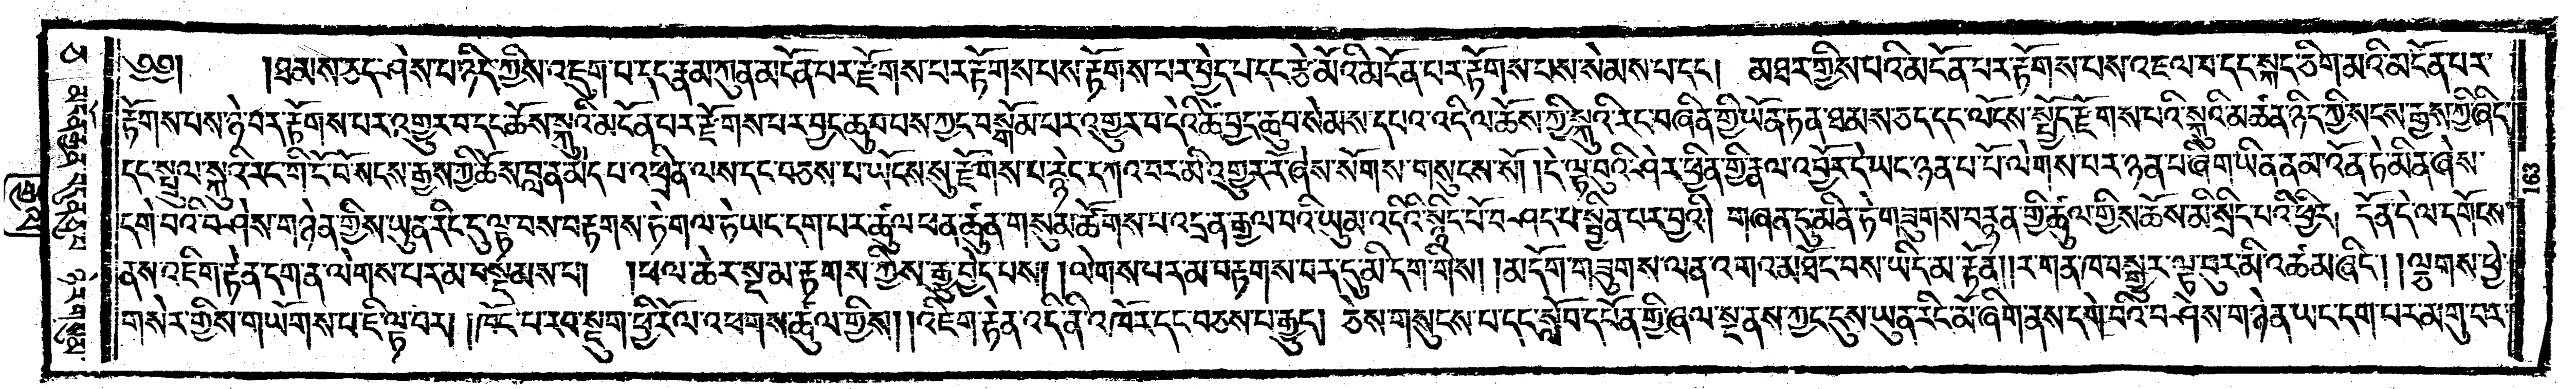༄༅། །ཐམས་ཅད་ཤེས་པ་ཉིད་ཀྱིས་འཇུག་པ་དང་རྣམ་ཀུན་མངོན་པར་རྫོགས་པར་རྟོགས་པས་རྟོགས་པར་བྱེད་པ་དང་རྩེ་མོའི་མངོན་པར་རྟོགས་པས་སེམས་པ་དང་། མཐར་གྱིས་པའི་མངོན་པར་རྟོགས་པས་འཇལ་བ་དང་སྐད་ཅིག་མའི་མངོན་པར་
རྟོགས་པས་ཉེ་བར་རྟོགས་པར་འགྱུར་བ་དང་ཆོས་སྐུའི་མངོན་པར་རྫོགས་པར་བྱང་ཆུབ་པས་ཀྱང་བསྒོམ་པར་འགྱུར་བ་དེའི་ཚེ་བྱང་ཆུབ་སེམས་དཔའ་འདི་ལ་ཆོས་ཀྱི་སྐུའི་རང་བཞིན་གྱི་ཡོན་ཏན་ཐམས་ཅད་དང་ལོངས་སྤྱོད་རྫོགས་པའི་སྐུའི་མཚན་ཉིད་ཀྱི་སངས་རྒྱས་ཀྱི་ཞིང་
དང་སྤྲུལ་སྐུའི་རང་གི་ངོ་བོ་སངས་རྒྱས་ཀྱི་ཆོས་བླ་ན་མེད་པ་འཕྲིན་ལས་དང་བཅས་པ་ཡོངས་སུ་རྫོགས་པ་རྙེད་དཀའ་བར་མི་འགྱུར་རོ་ཞེས་སོགས་གསུངས་སོ། །དེ་ལྟ་བུའི་ཤེར་ཕྱིན་གྱི་རྣལ་འབྱོར་དེ་ཡང་ཉན་པ་པོ་ལེགས་པར་ཉན་པ་ཞིག་ཡིན་ནམ་འོན་ཏེ་མིན་ཞེས་
དགེ་བའི་བཤེས་གཉེན་གྱིས་ཡུན་རིང་དུ་ལྟ་བས་བརྟགས་ཏེ་གལ་ཏེ་ཡང་དག་པར་ཚུལ་ཕན་ཚུན་གསུམ་ཚོགས་པ་འདྲ་ན་རྒྱལ་བའི་ཡུམ་འདིའི་སྙིང་པོ་བཤད་པ་སྦྱིན་པར་བྱའི། གཞན་དུ་མིན་ཏེ་གཟུགས་བརྙན་གྱི་ཚུལ་གྱིས་ཆོས་མི་སྲིད་པའི་ཕྱིར། དོན་དེ་ལ་དགོངས་
ནས་འཇིག་རྟེན་དག་ན་ལེགས་པར་མ་བསྡམས་པ། །ཕལ་ཆེར་སྔ་མ་རྟགས་ཀྱིས་རྒྱུ་བྱེད་པས། །ལེགས་པར་མ་བརྟགས་པར་དུ་མི་དག་གིས། །མདོག་གཟུགས་ལན་འགའ་མཐོང་བས་ཡིད་མ་རྟོན། །ར་གན་ཁ་བསྒྱུར་ལྟ་བུར་མི་འཚམ་ཞིང་། །ལྕགས་ཕྱེ་
གསེར་གྱིས་གཡོགས་པ་ཇི་ལྟ་བར། །ཁོང་པ་རབ་སྡུག་ཕྱི་རོལ་འཕགས་ཚུལ་གྱིས། །འཇིག་རྟེན་འདི་ནི་འཁོར་དང་བཅས་པ་རྒྱུད། ཅེས་གསུངས་པ་དང་སློབ་དཔོན་གྱི་ཞལ་སྔ་ནས་ཀྱང་དུས་ཡུན་རིང་མོ་ཞིག་ནས་དགེ་བའི་བཤེས་གཉེན་ཡང་དག་པར་མགུ་བར་